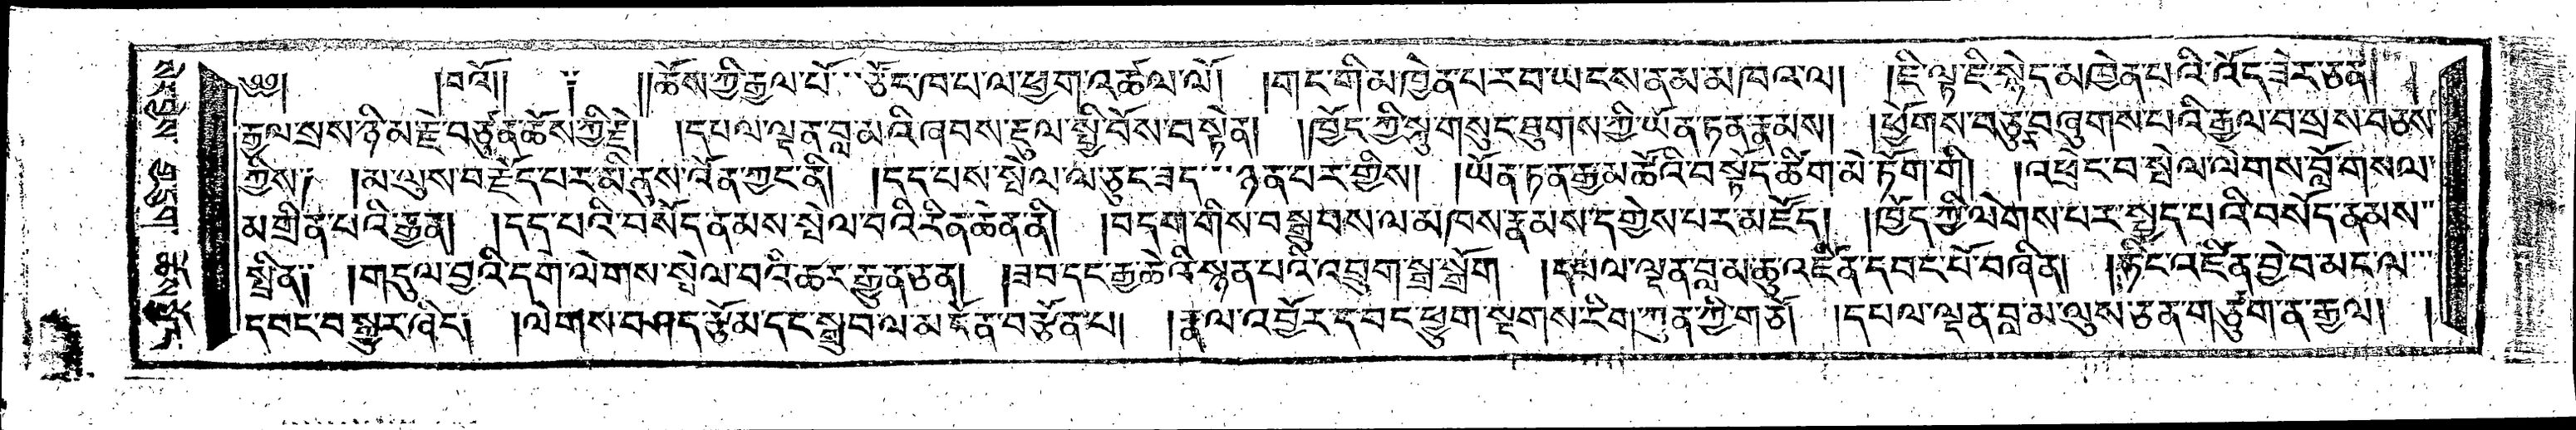༄༅། །བའོ།། ༈ །།ཆོས་ཀྱི་རྒྱལ་པོ་ཙོང་ཁ་པ་ལ་ཕྱག་འཚལ་ལོ། །གང་གི་མཁྱེན་པ་རབ་ཡངས་ནམ་མཁའ་ལ། །ཇི་ལྟ་ཇི་སྙེད་མཁྱེན་པའི་འོད་ཟེར་ཅན། །
རྒྱལ་སྲས་ཉི་མ་རྗེ་བཙུན་ཆོས་ཀྱི་རྗེ། །དཔལ་ལྡན་བླ་མའི་ཞབས་རྡུལ་སྤྱི་བོས་བསྟེན། །ཁྱོད་ཀྱི་སྐུ་གསུང་ཐུགས་ཀྱི་ཡོན་ཏན་རྣམས། །ཕྱོགས་བཅུར་བཞུགས་པའི་རྒྱལ་བ་སྲས་བཅས་
ཀྱིས། །མ་ལུས་བརྗོད་པར་མི་ནུས་འོན་ཀྱང་ནི། །དད་པས་སྤེལ་ལ་ཅུང་ཟད་ཉན་པར་གྱིས། །ཡོན་ཏན་རྒྱ་མཚོའི་བསྟོད་ཚིག་མེ་ཏོག་གི། །འཕྲེང་བ་སྤེལ་ལེགས་བློ་གསལ་
མགྲིན་པའི་རྒྱན། །དད་པའི་བསོད་ནམས་སྤེལ་བའི་རིན་ཆེན་ནི། །བདག་གིས་བསྒྲུབས་ལ་མཁས་རྣམས་དགྱེས་པར་མཛོད། །ཁྱོད་ཀྱི་ལེགས་པར་སྤྱད་པའི་བསོད་ནམས་
སྤྲིན། །གདུལ་བྱའི་དགེ་ལེགས་སྤེལ་བའི་ཆར་རྒྱུན་ཅན། །ཟབ་དང་རྒྱ་ཆེའི་སྙན་པའི་འབྲུག་སྒྲ་སྒྲོག །དཔལ་ལྡན་བླ་མ་ཆུ་འཛིན་དབང་པོ་བཞིན། །ཏིང་འཛིན་བྱེ་བ་མང་ལ་
དབང་བསྒྱུར་ཞིང་། །ལེགས་བཤད་རྩོམ་དང་སྒྲུབ་ལ་མངོན་བརྩོན་པ། །རྣལ་འབྱོར་དབང་ཕྱུག་སྔགས་རིག་ཀུན་གྱི་གཙོ། །དཔལ་ལྡན་བླ་མ་ལུས་ཅན་གཙུག་ན་རྒྱལ། །